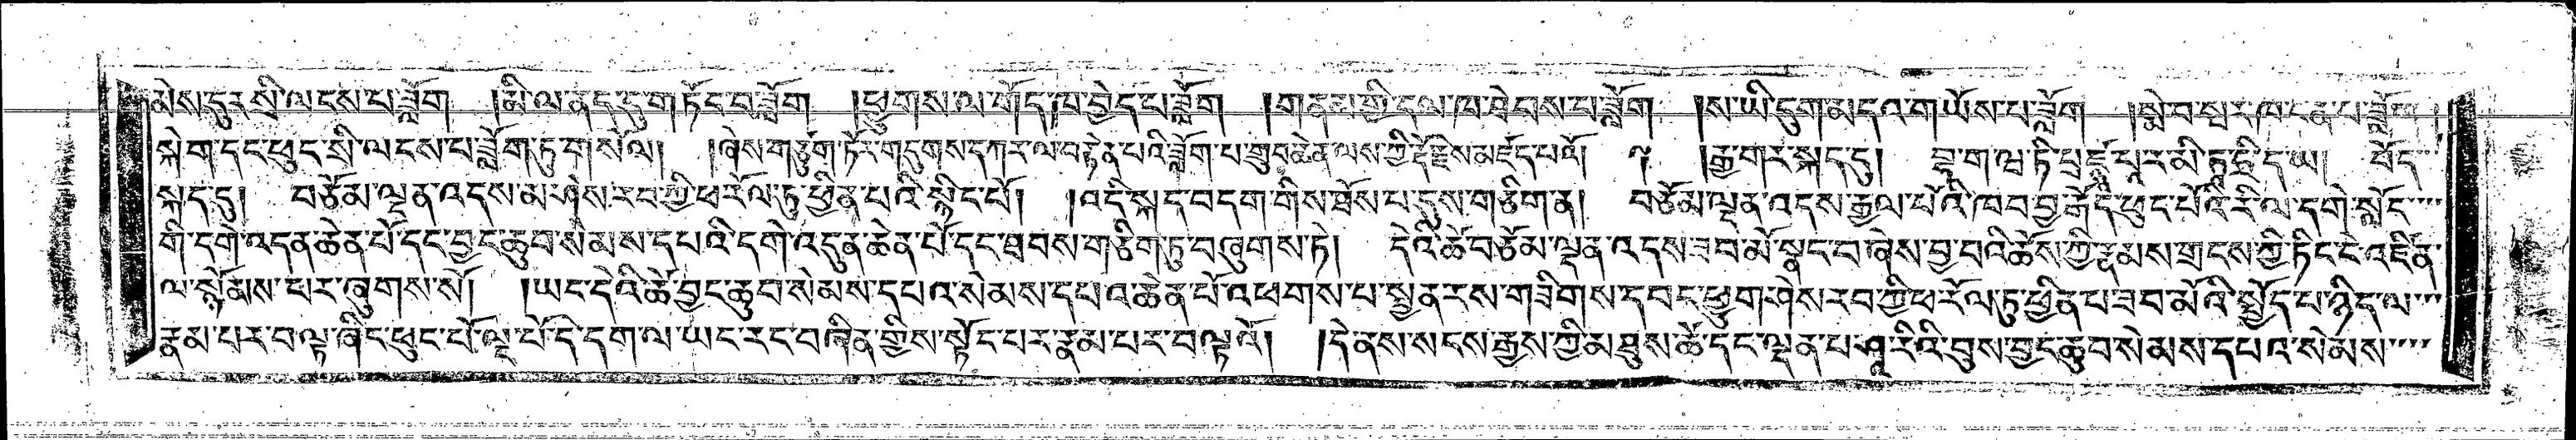མེས་དུར་སྲི་ལངས་པ་ཟློག །མི་ལ་ནད་དུ་གཏོང་བ་ཟློག །ཕྱུགས་ལ་གོད་ཁ་བྱེད་པ་ཟློག །གནམ་གྱི་དལ་ཁ་ཐེབས་པ་ཟློག །ས་ཡི་དུག་མདའ་གཡོས་པ་ཟློག །སྨེ་བ་སྤར་ཁ་ངན་པ་ཟློག །
སྐེག་དང་ཕུང་སྲི་ལངས་པ་ཟློག་ཏུ་གསོལ། །ཞེས་གཙུག་ཏོར་གདུགས་དཀར་ལ་བརྟེན་པའི་ཟློག་པ་གྲུབ་ཆེན་ལས་ཀྱི་རྡོ་རྗེས་མཛད་པའོ། ༈ །རྒྱ་གར་སྐད་དུ། བྷ་ག་ཝ་ཏི་པྲཛྙཱ་པཱ་ར་མི་ཏཱ་ཧྲི་ད་ཡ། བོད་
སྐད་དུ། བཅོམ་ལྡན་འདས་མ་ཤེས་རབ་ཀྱི་ཕ་རོལ་ཏུ་ཕྱིན་པའི་སྙིང་པོ། །འདི་སྐད་བདག་གིས་ཐོས་པ་དུས་གཅིག་ན། བཅོམ་ལྡན་འདས་རྒྱལ་པོའི་ཁབ་བྱ་རྒོད་ཕུང་པོའི་རི་ལ་དགེ་སློང་
གི་དགེ་འདན་ཆེན་པོ་དང་བྱང་ཆུབ་སེམས་དཔའི་དགེ་འདུན་ཆེན་པོ་དང་ཐབས་གཅིག་ཏུ་བཞུགས་ཏེ། དེའི་ཚེ་བཅོམ་ལྡན་འདས་ཟབ་མོ་སྣང་བ་ཞེས་བྱ་བའི་ཆོས་ཀྱི་རྣམས་གྲངས་ཀྱི་ཏིང་ངེ་འཛིན་
ལ་སྙོམས་པར་ཞུགས་སོ། །ཡང་དེའི་ཚེ་བྱང་ཆུབ་སེམས་དཔའ་སེམས་དཔའ་ཆེན་པོ་འཕགས་པ་སྤྱན་རས་གཟིགས་དབང་ཕྱུག་ཤེས་རབ་ཀྱི་ཕ་རོལ་ཏུ་ཕྱིན་པ་ཟབ་མོའི་སྤྱོད་པ་ཉིད་ལ་
རྣམ་པར་བལྟ་ཞིང་ཕུང་པོ་ལྔ་པོ་དེ་དག་ལ་ཡང་རང་བཞིན་གྱིས་སྟོང་པར་རྣམ་པར་བལྟའོ། །དེ་ནས་སངས་རྒྱས་ཀྱི་མཐུས་ཚེ་དང་ལྡན་པ་ཤཱ་རིའི་བུས་བྱང་ཆུབ་སེམས་དཔའ་སེམས་